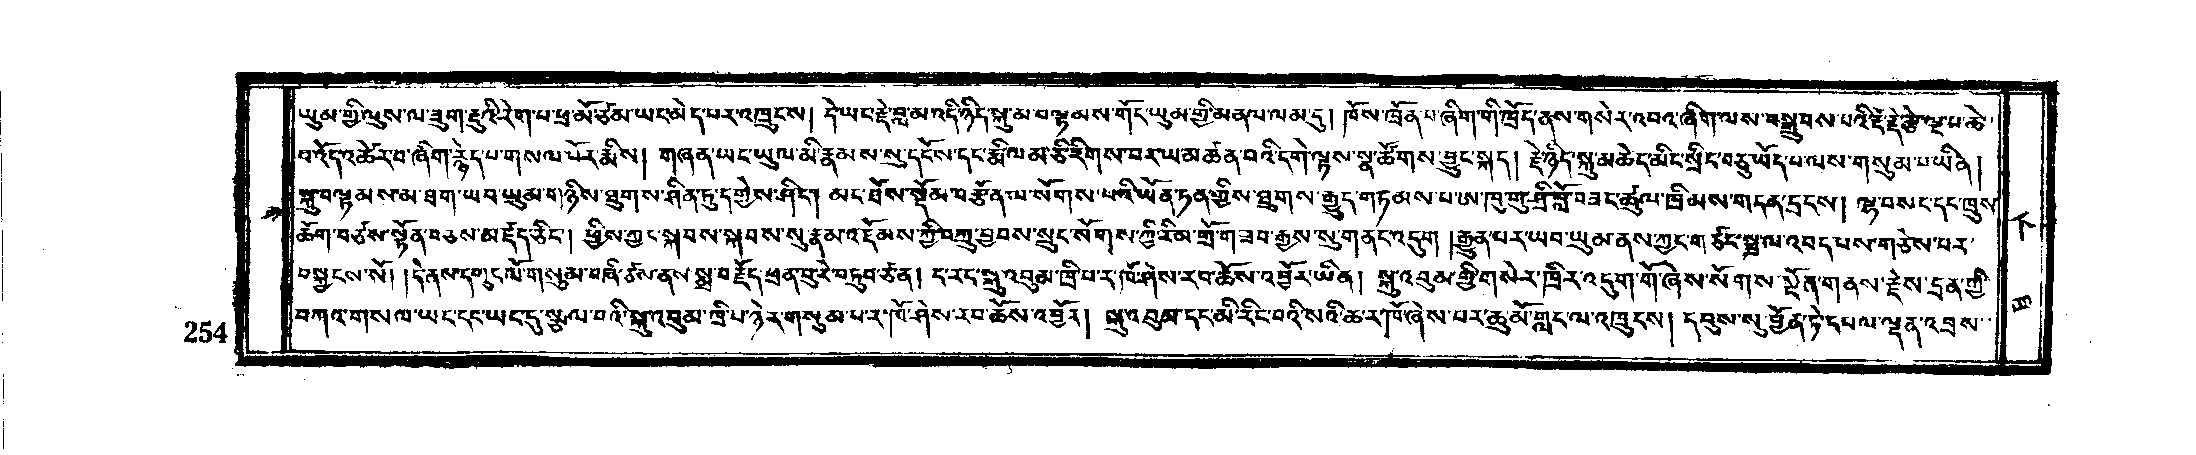ཡུམ་གྱི་ལུས་ལ་ཟུག་རྔུའི་རེག་པ་ཕྲ་མོ་ཙམ་ཡང་མེད་པར་འཁྲུངས། དེ་ཡང་རྗེ་བླ་མ་འདི་ཉིད་སྐུ་མ་བལྟམས་གོང་ཡུམ་གྱི་མནལ་ལམ་དུ། ཁོས་ཁྲོན་པ་ཞིག་གི་ཁྲོད་ནས་གསེར་འབའ་ཞིག་ལས་བསྒྲུབས་པའི་རྡོ་རྗེ་རྩེ་ལྔ་པ་ཆེ་
བ་འོད་འཚེར་བ་ཞིག་རྙེད་པ་གསལ་པོར་རྨིས། གཞན་ཡང་ཡུལ་མི་རྣམས་སུ་དངོས་དང་རྨི་ལམ་ཅི་རིགས་བར་ཡ་མཚན་པའི་དགེ་ལྟས་སྣ་ཚོགས་བྱུང་སྐད། རྗེ་ཉིད་སྐུ་མཆེད་མིང་སྲིང?་བཅུ་ཡོད་པ་ལས་གསུམ་པ་ཡིན།
སྐུ་བལྟམས་མ་ཐག་ཡབ་ཡུམ་གཉིས་ཐུགས་ཤིན་ཏུ་དགྱེས་ཤིང་། མང་ཐོས་སྡོམ་བརྩོན་ལ་སོགས་པའི་ཡོན་ཏན་གྱིས་ཐུགས་རྒྱུད་གཏམས་པ་ཨ་ཁུ་གུ་ཤྲི་བློ་བཟང་ཚུལ་ཁྲིམས་གདན་དྲངས། ལྷ་བསང་དང་ཁྲུས་
ཆོག་བཙས་སྟོན་བཅས་མཛད་ཅིང་། ཕྱིས་ཀྱང་སྐབས་སྐབས་སུ་རྣམ་འཇོམས་ཀྱི་བཀྲུ་བྱབས་སྲུང་སོགས་ཀྱི་རིམ་གྲོ་གཟབ་རྒྱས་སུ་གནང་འདུག །རྒྱུན་པར་ཡབ་ཡུམ་ནས་ཀྱང་གཙང་སྦྲ་ལ་འབད་པས་གཅེས་པར་
བསྐྱངས་སོ། །དེ་ནས་དགུང་ལོ་གསུམ་བཞི་ཙས་ནས་སྨྲ་བརྗོད་ཕྲན་བུ་རེ་བཏུབ་ཙ་ན། ད་རང་སྐུ་འབུམ་ཁྲི་པ་ར་ཁོ་ཤེས་རབ་ཆོས་འབྱོར་ཡིན། སྐུ་འབུམ་གྱི་གསེར་ཁྲིར་འདུག་གོ་ཞེས་སོགས་སྔོན་གནས་རྗེས་དྲན་གྱི་
བཀའ་གསལ་ཡང་དང་ཡང་དུ་སྩལ་བའི་སྐུ་འབུམ་ཁྲི་པ་ཉེར་གསུམ་པ་ར་ཁོ་ཤེས་རབ་ཆོས་འབྱོར། སྐུ་འབུམ་དང་མི་རིང་བའི་སའི་ཆ་ར་ཁོ་ཞེས་པར་ཆུ་མོ་གླང་ལ་འཁྲུངས། དབུས་སུ་བྱོན་ཏེ་དཔལ་ལྡན་འབྲས་